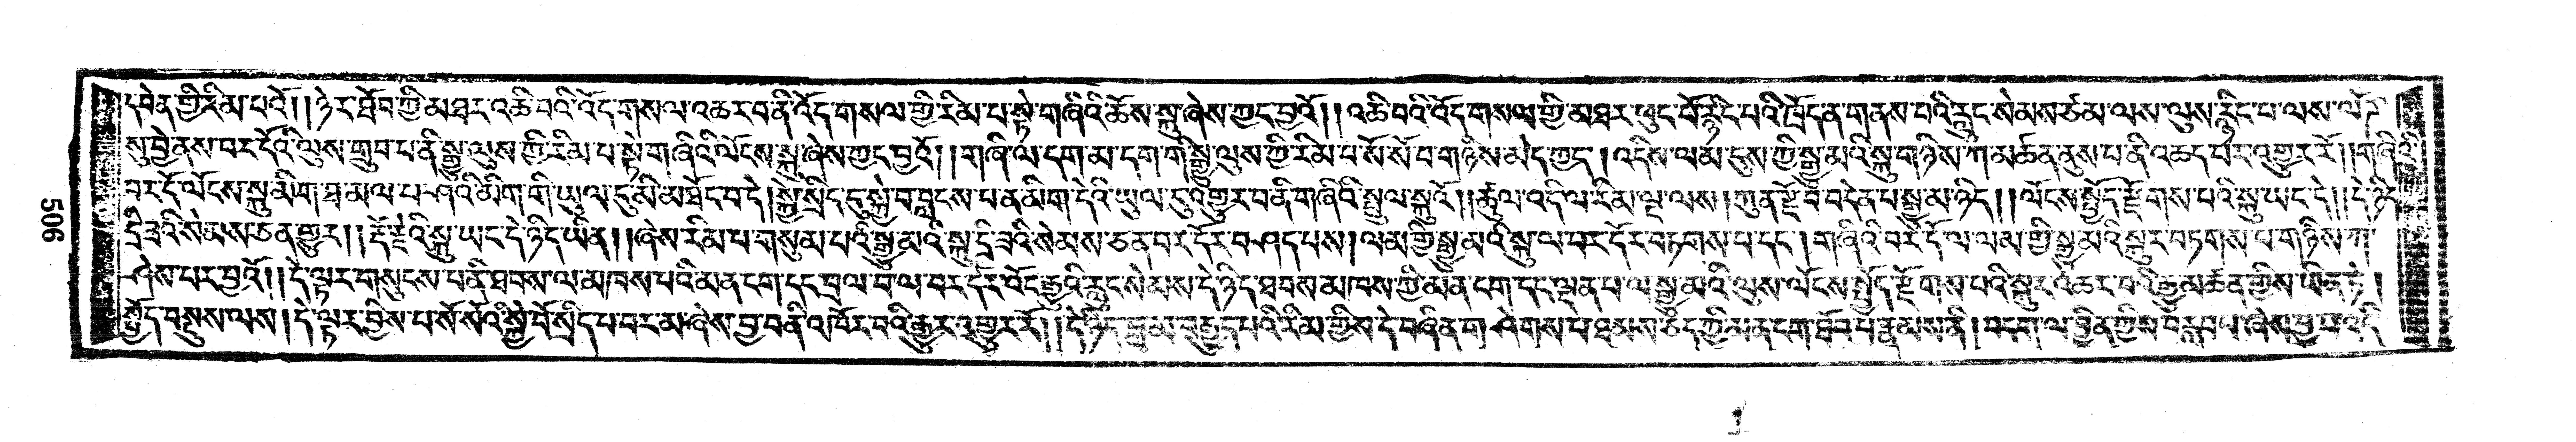དབེན་གྱི་རིམ་པའོ། །ཉེར?་ཐོབ་ཀྱི་མཐར་འཆི་བའི་འོད་གསལ་འཆར་བ་ནི་འོད་གསལ་གྱི་རིམ་པ་སྟེ་གཞིའི་ཆོས་སྐུ་ཞེས་ཀྱང་བྱའོ། །འཆི་བའི་འོད་གསལ་གྱི་མཐར་ཕུང་པོ་རྙིང་པའི་ཁྲོད་ན་གནས་པའི་རླུང་སེམས་ཙམ་ལས་ལུས་རྙིང་པ་ལས་ལོགས་
སུ་བྱ་ནས་བར་དོའི་ལུས་གྲུབ་པ་ནི་སྒྱུ་ལུས་ཀྱི་རིམ་པ་སྟེ་གཞིའི་ལོངས་སྐུ་ཞེས་ཀྱང་བྱའོ། །གཞི་ལ་དག་མ་དག་གི་སྒྱུ་ལུས་ཀྱི་རིམ་པ་སོ་སོ་བ་གཉིས་མེད་ཀྱང་། འདིས་ལམ་དུས་ཀྱི་སྒྱུ་མའི་སྐུ་གཉིས་ཀ་མཚན་ནུས་པ་ནི་འཆད་པར་འགྱུར་རོ། །གཞིའི་
བར་དོ་ལོངས་སྐུ་མིག་ཐ་མལ་པ་ཤའི་མིག་གི་ཡུལ་དུ་མི་མཐོང་བ་དེ། སྐྱེ་སྲིད་དུ་སྐྱེ་བ་བླངས་པ་ན་མིག་དེའི་ཡུལ་དུ་འགྱུར་བ་ནི་གཞིའི་སྤྲུལ་སྐུའོ། །ཚུལ་འདི་ལ་རིམ་ལྔ་ལས། ཀུན་རྫོབ་བདེན་པ་སྒྱུ་མ་ཉིད། །ལོངས་སྤྱོད་རྫོགས་པའི་སྐུ་ཡང་དེ། །དེ་ཉིད་
དྲི་ཟའི་སེམས་ཅན་གྱུར། །རྡོ་རྗེའི་སྐུ་ཡང་དེ་ཉིད་ཡིན། །ཞེས་རིམ་པ་གསུམ་པའི་སྒྱུ་མའི་སྐུ་དྲི་ཟའི་སེམས་ཅན་བར་དོར་བཤད་པས། ལམ་གྱི་སྒྱུ་མའི་སྐུ་ལ་བར་དོར་བཏགས་པ་དང་། གཞིའི་བར་དོ་ལ་ལམ་གྱི་སྒྱུ་མའི་སྐུར་བཏགས་པ་གཉིས་ཀ་
ཤེས་པར་བྱའོ། །དེ་ལྟར་གསུངས་པ་ནི་ཐབས་ལ་མཁས་པའི་མན་ངག་དང་བྲལ་བ་ལ་བར་དོར་འོང་རྒྱུའི་རླུང་སེམས་དེ་ཉིད་ཐབས་མཁས་ཀྱི་མན་ངག་དང་ལྡན་པ་ལ་སྒྱུ་མའི་ལུས་ལོངས་སྤྱོད་རྫོགས་པའི་སྐུར་འཆར་བའི་རྒྱུ་མཚན་གྱིས་ཡིན་ཏེ།
སྤྱོད་བསྡུས་ལས། དེ་ལྟར་བྱིས་པ་སོ་སོའི་སྐྱེ་བོ་སྲིད་པ་བར་མ་ཞེས་བྱ་བ་ནི་འཁོར་བའི་རྒྱུར་འགྱུར་རོ། །དེ་ཉིད་བླ་མ་བརྒྱུད་པའི་རིམ་གྱིས་དེ་བཞིན་གཤེགས་པ་ཐམས་ཅད་ཀྱི་མན་ངག་ཐོབ་པ་རྣམས་ནི། བདག་ལ་བྱིན་གྱིས་བརླབ་པ་ཞེས་བྱ་བ་འདི་